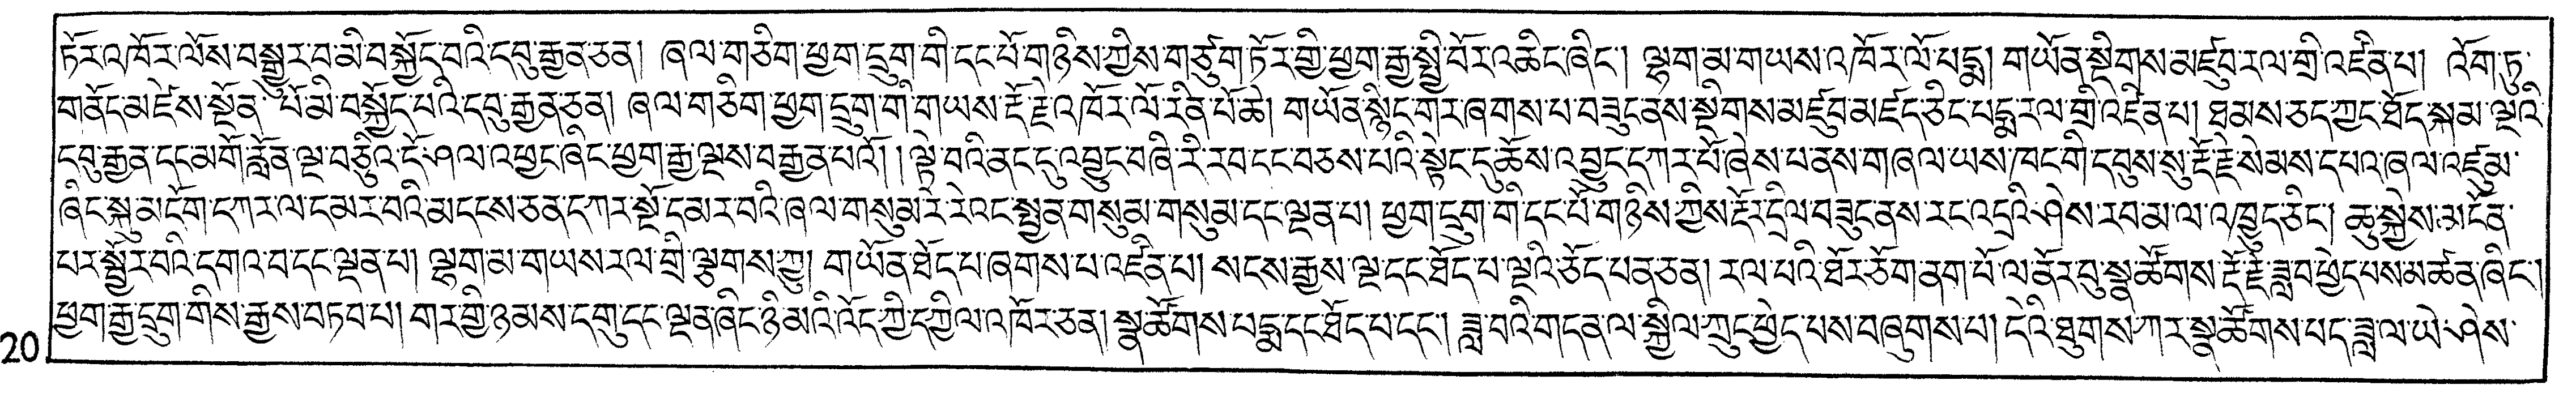ཏོར་འཁོར་ལོས་བསྒྱུར་བ་མི་བསྐྱོད་པའི་དབུ་རྒྱན་ཅན། ཞལ་གཅིག་ཕྱག་དྲུག་གི་དང་པོ་གཉིས་ཀྱིས་གཙུག་ཏོར་གྱི་ཕྱག་རྒྱ་སྤྱི་བོར་འཆིང་ཞིང་། ལྷག་མ་གཡས་འཁོར་ལོ་པདམ། གཡོན་སྡིགས་མཛུབ་རལ་གྲི་འཛིན་པ། འོག་ཏུ་
གནོད་མཛེས་སྔོན་པོ་མི་བསྐྱོད་པའི་དབུ་རྒྱན་ཅན། ཞལ་གཅིག་ཕྱག་དྲུག་གི་གཡས་རྡོ་རྗེ་འཁོར་ལོ་རིན་པོ་ཆེ། གཡོན་སྙིང་གར་ཞགས་པ་བཟུང་ནས་སྡིགས་མཛུབ་མཛད་ཅིང་པདམ་རལ་གྲི་འཛིན་པ། ཐམས་ཅད་ཀྱང་ཐོད་སྐམ་ལྔའི་
དབུ་རྒྱན་དང་མགོ་རློན་ལྔ་བཅུའི་དོ་ཤལ་འཕྱང་ཞིང་ཕྱག་རྒྱ་ལྔས་བརྒྱན་པའོ། །ལྟེ་བའི་ནང་དུ་འབྱུང་བཞི་རི་རབ་དང་བཅས་པའི་སྟེང་དུ་ཆོས་འབྱུང་དཀར་པོ་ཞེས་པ་ནས་གཞལ་ཡས་ཁང་གི་དབུས་སུ་རྡོ་རྗེ་སེམས་དཔའ་ཞལ་འཛུམ་
ཞིང་སྐུ་མདོག་དཀར་ལ་དམར་བའི་མདངས་ཅན་དཀར་སྔོ་དམར་བའི་ཞལ་གསུམ་རེ་རེའང་སྤྱན་གསུམ་གསུམ་དང་ལྡན་པ། ཕྱག་དྲུག་གི་དང་པོ་གཉིས་ཀྱིས་རྡོར་དྲིལ་བཟུང་ནས་རང་འདྲའི་ཤེས་རབ་མ་ལ་འཁྱུད་ཅིང་། ཆུ་སྐྱེས་མངོན་
པར་སྦྱོར་བའི་དགའ་བ་དང་ལྡན་པ། ལྷག་མ་གཡས་རལ་གྲི་ལྕགས་ཀྱུ། གཡོན་ཐོད་པ་ཞགས་པ་འཛིན་པ། སངས་རྒྱས་ལྔ་དང་ཐོད་པ་ལྔའི་ཅོད་པན་ཅན། རལ་པའི་ཐོར་ཅོག་ནག་པོ་ལ་ནོར་བུ་སྣ་ཚོགས་རྡོ་རྗེ་ཟླ་བ་ཕྱེད་པས་མཚན་ཞིང་།
ཕྱག་རྒྱ་དྲུག་གིས་རྒྱས་བཏབ་པ། གར་གྱི་ཉམས་དགུ་དང་ལྡན་ཞིང་ཉི་མའི་འོད་ཀྱི་དཀྱིལ་འཁོར་ཅན། སྣ་ཚོགས་པདམ་དང་ཐོད་པ་དང་། ཟླ་བའི་གདན་ལ་སྐྱིལ་ཀྲུང་ཕྱེད་པས་བཞུགས་པ། དེའི་ཐུགས་ཀར་སྣ་ཚོགས་པད་ཟླ་ལ་ཡེ་ཤེས་